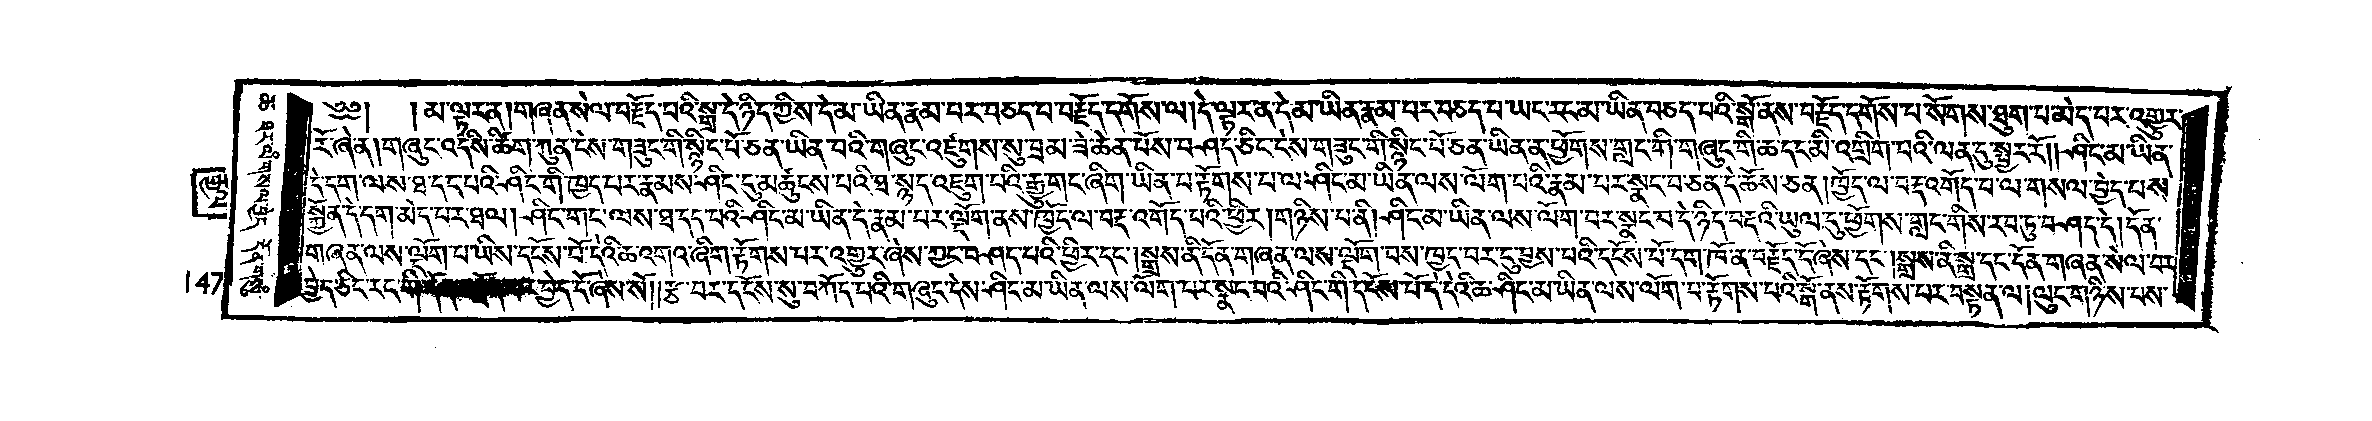༄༅། །མ་ལྟར་ན། གཞན་སེལ་བརྗོད་པའི་སྒྲ་དེ་ཉིད་ཀྱིས་དེ་མ་ཡིན་རྣམ་པར་བཅད་པ་བརྗོད་དགོས་ལ། དེ་ལྟར་ན་དེ་མ་ཡིན་རྣམ་པར་བཅད་པ་ཡང་རང་མ་ཡིན་བཅད་པའི་སྒོ་ནས་བརྗོད་དགོས་པ་སོགས་ཐུག་པ་མེད་པར་འགྱུར་
རོ་ཞེ་ན། གཞུང་འདིས་ཚིག་ཀུན་ངེས་གཟུང་གི་སྙིང་པོ་ཅན་ཡིན་པའི་གཞུང་འཛུགས་སུ་བྲམ་ཟེ་ཆེན་པོས་བཤད་ཅིང་ངེས་གཟུང་གི་སྙིང་པོ་ཅན་ཡིན་ན་ཕྱོགས་གླང་གི་གཞུང་གི་ཆ་དང་མི་འགྲིག་པའི་ལན་དུ་སྦྱར་རོ། །ཤིང་མ་ཡིན་
དེ་དག་ལས་ཐ་དང་པའི་ཤིན་གི་ཁྱད་པར་རྣམས་ཤིང་དུ་མཚུངས་པའི་ཐ་སྙད་འཇུག་པའི་རྒྱུ་གང་ཞིག་ཡིན་པ་རྟོགས་པ་ལ་ཤིང་མ་ཡིན་ལས་ལོག་པའི་རྣམ་པར་སྣང་བ་ཅན་དེ་ཆོས་ཅན། ཁྱོད་ལ་བརྡ་འགོད་པ་ལ་གསལ་བྱེད་པས་
སྐྱོན་དེ་དག་མེད་པར་ཐལ། ཤིང་གང་ལས་ཐ་དད་པའི་ཤིང་མ་ཡིན་དེ་རྣམ་པར་ལྡོག་ནས་ཁྱོད་ལ་བརྡ་འགོད་པའི་ཕྱིར། གཉིས་པ་ནི། ཤིང་མ་ཡིན་ལས་ལོག་པར་སྣང་བ་དེ་ཉིད་བརྡའི་ཡུལ་དུ་ཕྱོགས་གླང་གིས་རབ་ཏུ་བཤད་དེ། དོན་
གཞན་ལས་ལྡོག་པ་ཡིས་དངོས་པོ་དེའི་ཆ་འགའ་ཞིག་རྟོགས་པར་འགྱུར་ཞེས་ཀྱང་བཤད་པའི་ཕྱིར་དང་། སྒྲས་ནི་དོན་གཞན་ལས་ལྡོག་པས་ཁྱད་པར་དུ་བྱས་པའི་དངོས་པོ་དག་ཁོ་ན་བརྗོད་དོ་ཞེས་དང་། སྒྲས་ནི་སྒྲ་དང་དོན་གཞན་སེལ་བར་
བྱེད་ཅིང་རང་གི་དོན་བརྗོད་པར་བྱེད་དོ་ཞེས་སོ། །རྩ་བར་དངོས་སུ་བཀོད་པའི་གཞུང་དེས་ཤིང་མ་ཡིན་ལས་ལོག་པར་སྣང་བའི་ཤིང་གི་དངོས་པོ་དེ་དེའི་ཆ་ཤིང་མ་ཡིན་ལས་ལོག་པ་རྟོགས་པའི་སྒོ་ནས་རྟོགས་པར་བསྟན་ལ། ལུང་གཉིས་པས་